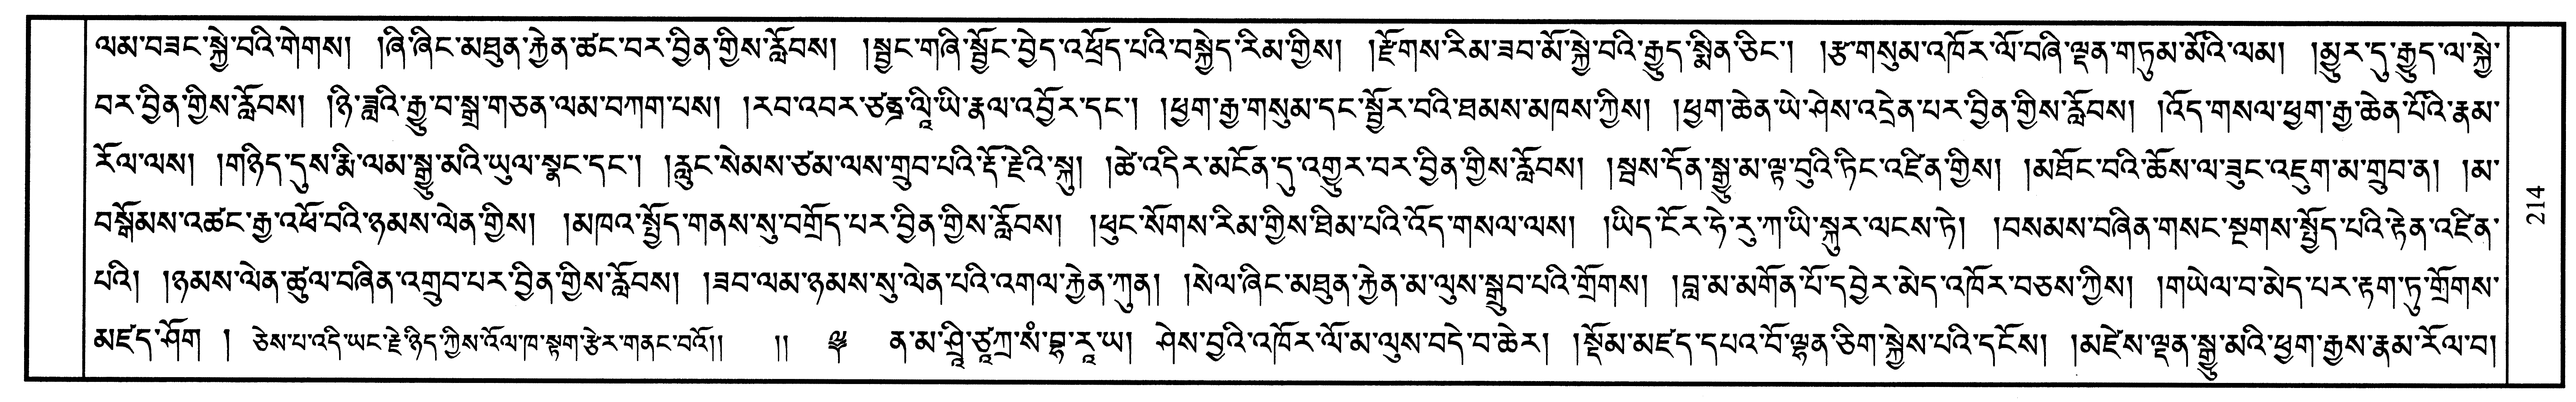ལམ་བཟང་སྐྱེ་བའི་གེགས། །ཞི་ཞིང་མཐུན་རྐྱེན་ཚང་བར་བྱིན་གྱིས་རློབས། །སྦྱང་གཞི་སྦྱོང་བྱེད་འཕྲོད་པའི་བསྐྱེད་རིམ་གྱིས། །རྫོགས་རིམ་ཟབ་མོ་སྐྱེ་བའི་རྒྱུད་སྨིན་ཅིང་། །རྩ་གསུམ་འཁོར་ལོ་བཞི་ལྡན་གཏུམ་མོའི་ལམ། །མྱུར་དུ་རྒྱུད་ལ་སྐྱེ་
བར་བྱིན་གྱིས་རློབས། །ཉི་ཟླའི་རྒྱུ་བ་སྒྲ་གཅན་ལམ་བཀག་པས། །རབ་འབར་ཙནྜ་ལཱི་ཡི་རྣལ་འབྱོར་དང་། །ཕྱག་རྒྱ་གསུམ་དང་སྦྱོར་བའི་ཐམས་མཁས་ཀྱིས། །ཕྱག་ཆེན་ཡེ་ཤེས་འདྲེན་པར་བྱིན་གྱིས་རློབས། །འོད་གསལ་ཕྱག་རྒྱ་ཆེན་པོའི་རྣམ་
རོལ་ལས། །གཉིད་དུས་རྨི་ལམ་སྒྱུ་མའི་ཡུལ་སྣང་དང་། །རླུང་སེམས་ཙམ་ལས་གྲུབ་པའི་རྡོ་རྗེའི་སྐུ། །ཚེ་འདིར་མངོན་དུ་འགྱུར་བར་བྱིན་གྱིས་རློབས། །སྦས་དོན་སྒྱུ་མ་ལྟ་བུའི་ཏིང་འཛིན་གྱིས། །མཐོང་བའི་ཆོས་ལ་ཟུང་འཇུག་མ་གྲུབ་ན། །མ་
བསྒོམས་འཚང་རྒྱ་འཕོ་བའི་ཉམས་ལེན་གྱིས། །མཁའ་སྤྱོད་གནས་སུ་བགྲོད་པར་བྱིན་གྱིས་རློབས། །ཕུང་སོགས་རིམ་གྱིས་ཐིམ་པའི་འོད་གསལ་ལས། །ཡིད་ངོར་ཧེ་རུ་ཀ་ཡི་སྐུར་ལངས་ཏེ། །བསམས་བཞིན་གསང་སྔགས་སྤྱོད་པའི་རྟེན་འཛིན་
པའི། །ཉམས་ལེན་ཚུལ་བཞིན་འགྲུབ་པར་བྱིན་གྱིས་རློབས། །ཟབ་ལམ་ཉམས་སུ་ལེན་པའི་འགལ་རྐྱེན་ཀུན། །སེལ་ཞིང་མཐུན་རྐྱེན་མ་ལུས་སྒྲུབ་པའི་གྲོགས། །བླ་མ་མགོན་པོ་དབྱེར་མེད་འཁོར་བཅས་ཀྱིས། །གཡེལ་བ་མེད་པར་རྟག་ཏུ་གྲོགས་
མཛད་ཤོག །ཅེས་པ་འདི་ཡང་རྗེ་ཉིད་ཀྱིས་འོལ་ཁ་སྟག་རྩེར་གནང་བའོ།། །། ༈ ན་མ་ཤྲཱི་ཙཱཀྲ་སཾ་བྷ་རཱ་ཡ། ཤེས་བྱའི་འཁོར་ལོ་མ་ལུས་བདེ་བ་ཆེར། །སྡོམ་མཛད་དཔའ་བོ་ལྷན་ཅིག་སྐྱེས་པའི་དངོས། །མཛེས་ལྡན་སྒྱུ་མའི་ཕྱག་རྒྱས་རྣམ་རོལ་བ།